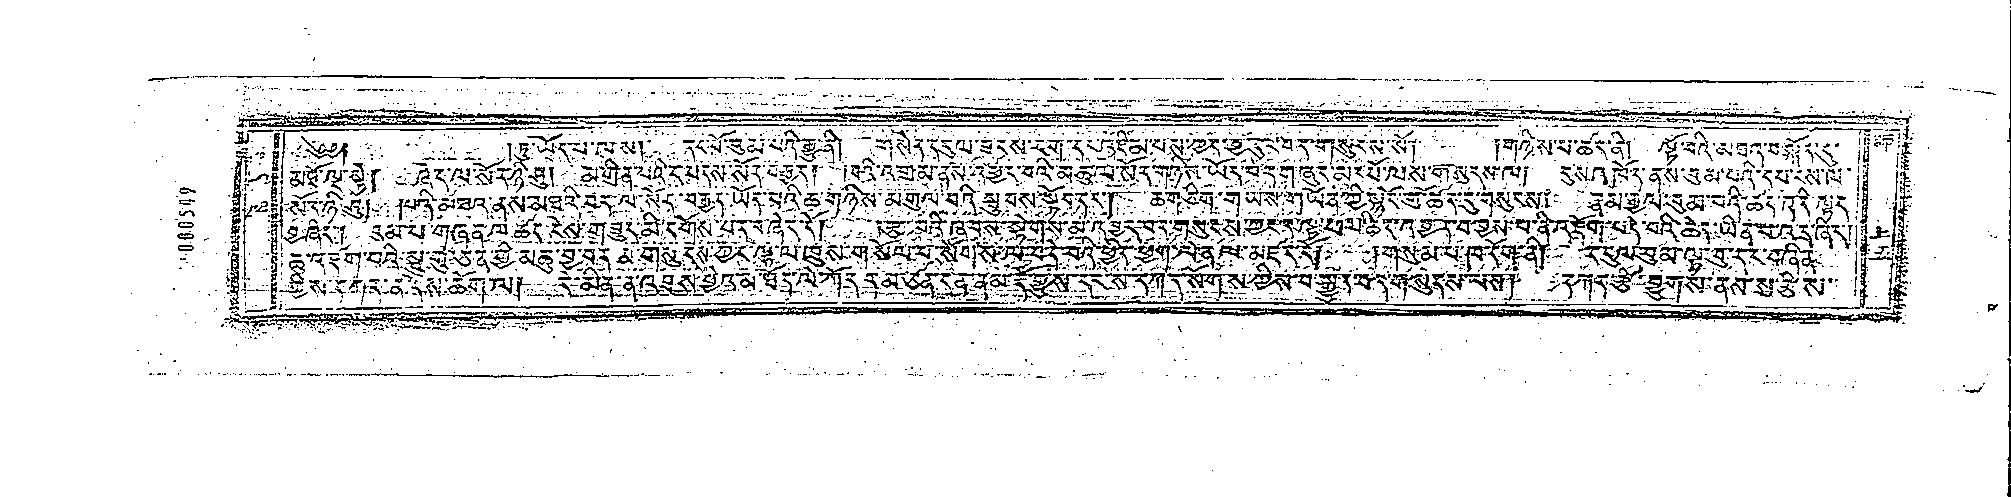༄༅། །ཏུ་ཡོད་པ་ལས། དང་པོ་བུམ་པའི་རྒྱུ་ནི། གསེར་དངུལ་ཟངས་རག་དང་འཇིམ་པས་ཀྱང་བྱ་རུང་བར་གསུངས་སོ། །གཉིས་པ་ཚད་ནི། ལྟོ་བའི་མཐའ་བསྐོར་དུ་
མཐོ་ལྔ་སྟེ། ཞེད་ལ་སོར་ཉི་ཤུ། མགྲིན་པའི་དཔངས་སོར་བརྒྱད། །བའི་འགྲེམ་ནས་འཕྱར་བའི་མ་ཆུ་ལ་སོར་གཉིས་ཡོད་བར་གཞུང་མང་པོ་ལ་གསུངས་ལ། དུས་འཁོར་ནས་བུམ་པའི་དཔངས་ལ་
སོང་ཉི་ཤུ། །པའི་མཐའ་ནས་མཐའི་བར་ལ་སོར་བརྒྱད་ཡོད་པའི་ཆ་གཉིས་མགུལ་བའི་སྤུབས་སྟོབ་དང་། ཆ་གཅིག་གཡས་གཡོན་གྱི་སྙོང་གུ་ཚད་དུ་གསུངས། རྣམ་རྒྱལ་བུམ་པའི་ཚད་འདི་ལྟར་
བྱ་ཞིང་། བུམ་པ་གཞན་ལ་ཚང་ངེས་གཟུང་མི་དགོས་པར་བཞེད་དོ། །རྩ་བའི་ཞབས་སྟེགས་མ་འབྱར་བར་གསུངས་ཀྱང་ད་ལྟར་ཕལ་ཆེར་འབྱར་བ་བྱས་པ་ནི་འཇོག་བདེ་བའི་ཆེད་ཡིན་པ་འདྲ་ཞིང་།
ཆུ་འཛག་པའི་སྤུ་གུ་ཅན་གྱི་མཆུ་བྱ་བར་མ་གསུངས་ཀྱང་ལྷ་ལ་ཁྲུས་གསོལ་པ་སོགས་ལ་བདེ་བའི་ཕྱིར་ཕྱག་ལེན་ལ་མཛད་དོ། །གསུམ་པ་ཁ་དོག་ནི། དངུལ་བུམ་ལྟ་བུ་རང་བཞིན་
གྱིས་དཀར་ན་དེས་ཆོག་ལ། དེ་མིན་ན་འབྲས་ཕྱེའམ་ཐོད་ལེ་ཀོར་རམ་ཙན་དན་ནམ་རྡོ་གྱུར་དང་ས་དཀར་སོགས་ཀྱིས་བསྒྱུར་བར་གསུངས་པས། དཀར་རྩི་བྱུགས་ནས་སྲ་རྩིས་